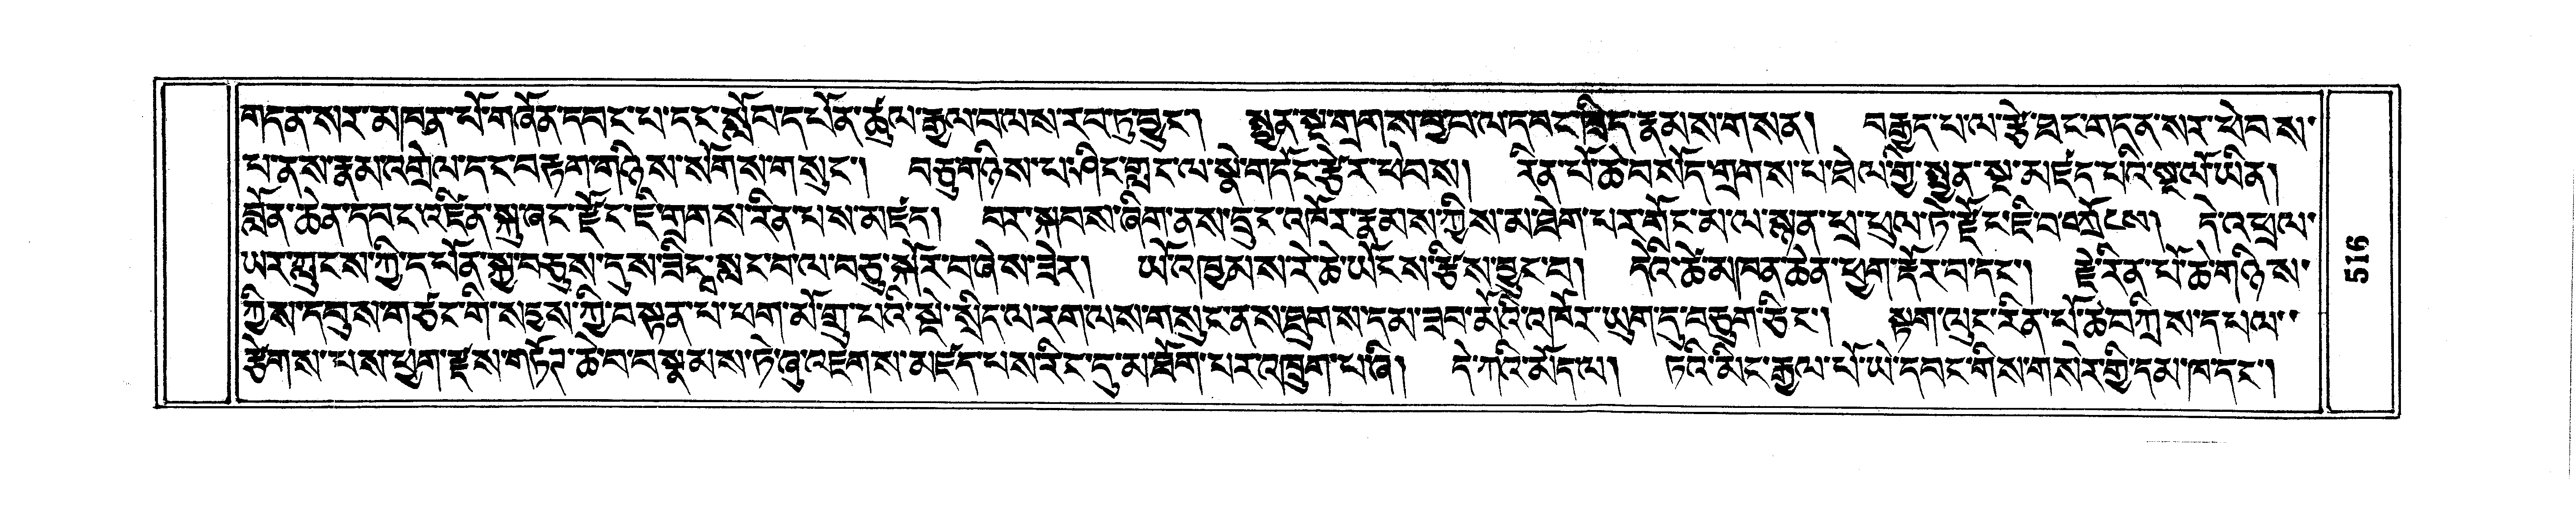གདན་སར་མཁན་པོ་གཞོན་དབང་པ་དང་སློབ་དཔོན་ཚུལ་རྒྱལ་བ་ལས་རབ་ཏུ་བྱུང་། སྤྱན་སྔ་གྲགས་བྱ་བ་ལ་དབང་ཁྲིད་རྣམས་གསན། བརྒྱད་པ་ལ་རྩེ་ཐང་གདན་སར་ཕེབས་
པ་ནས་རྣམ་འགྲེལ་དང་བརྟག་གཉིས་སོགས་གསུང་། བཅུ་གཉིས་པ་ཤིང་གླང་ལ་སྣེ་གདོང་རྩེར་ཕེབས། རིན་པོ་ཆེ་བསོད་གྲགས་པ་ཐེལ་གྱི་སྤྱན་སྔ་མཛད་པའི་སྔ་ལོ་ཡིན།
བློན་ཆེན་དབང་འཛིན་སྐུ་ཞང་རྫོང་ཇི་གྲགས་རིན་པས་མཛད། བར་སྐབས་ཞིག་ནས་དྲུང་འཁོར་རྣམས་ཀྱིས་མ་ཐེག་པར་གོང་མ་ལ་སྙན་ཕྲ་ཕུལ་ཏེ་རྫོང་ཇི་བ་བཀྲོངས། དེ་འཕྲལ་
ཡར་ཀླུངས་ཀྱི་དཔོན་སྐྱ་བཅུས་དུས་ཟིང་སླང་བ་ལ་བཅུ་སྐོར་བ་ཞེས་ཟེར། ཡོ་འཁྱམས་རེ་ཆེ་ཡོངས་རྩིས་བྱུང་བ། དེའི་ཚེ་མཁན་ཆེན་ཕྱག་རྡོར་བ་དང་། རྗེ་རིན་པོ་ཆེ་གཉིས་
ཀྱིས་དབུས་གཙང་གི་སངས་རྒྱས་ཀྱི་བསྟན་པ་ཕག་མོ་གྲུ་པའི་སྡེ་སྲིད་ལ་རག་ལས་གསུང་ནས་ཐུགས་དམ་ཟབ་མོའི་འཁོར་ཡུག་དུ་བཅུག་ཅིང་། སྟག་ལུང་རིན་པོ་ཆེ་བཀྲིས་དཔལ་
རྩེགས་པས་ཕྱག་རྫས་གཏོཊ་ཆེ་བ་བསྣམས་ཏེ་ཞུ་འཇགས་མཛད་པས་རིང་དུ་མ་ཐོག་པར་འཁྲུག་པ་ཞི། དེ་ཀའི་མོད་ལ། ཏའི་མིང་རྒྱལ་པོ་ཡེ་དབང་གིས་གསེར་གྱི་དམ་ཁ་དང་།